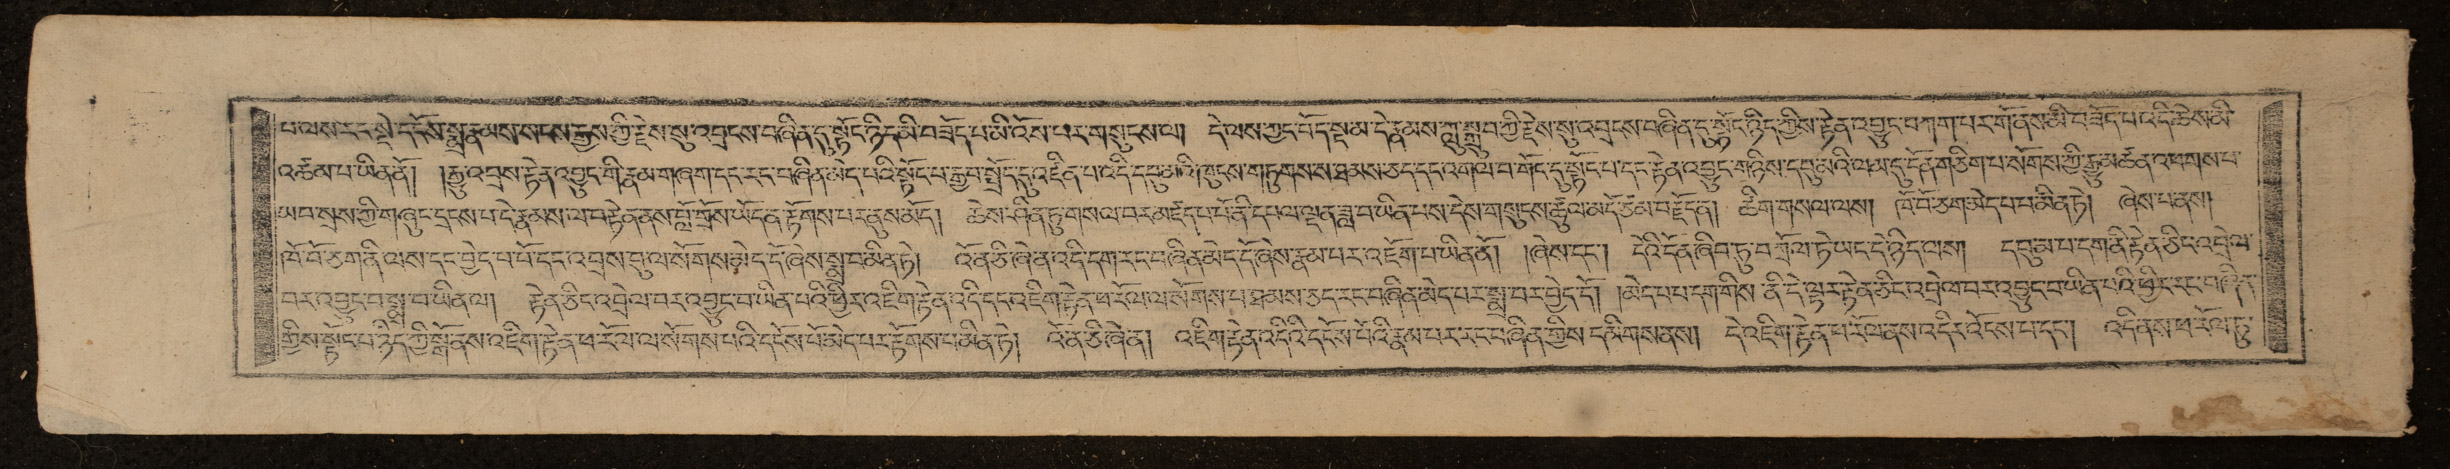པ་ལས་རང་སྡེ་དངོས་སྨྲ་རྣམས་སངས་རྒྱས་ཀྱི་རྗེས་སུ་འབྲངས་བཞིན་དུ་སྟོང་ཉིད་མི་བཟོད་པ་མི་འོས་བར་གསུངས་ལ། དེ་ལས་ཀྱང་བོད་སྔ་མ་དེ་རྣམས་ཀླུ་སྒྲུབ་ཀྱི་རྗེས་སུ་འབྲངས་བཞིན་དུ་སྟོང་ཉིད་ཀྱིས་རྟེན་འབྱུང་བགག་པར་གོ་ནས་མི་བཟོད་པ་འདི་ཆེས་མི་
འཚམ་བ་ཡིན་ནོ། །རྒྱུ་འབྲས་རྟེན་འབྱུང་གི་རྣམ་གཞག་དང་རང་བཞིན་མེད་པའི་སྟོང་བ་རྒྱབ་སྤྲོད་དུ་འཛིན་བ་འདི་དབུ་མའི་ཁུངས་གཏུགས་ས་ཐམས་ཅད་དང་འགལ་བ་གོང་དུ་སྟོང་པ་དང་རྟེན་འབྱུང་གཉིས་དབུ་མའི་ལམ་དུ་དོན་གཅིག་པ་སོགས་ཀྱི་རྒྱུ་མཚན་འཕགས་པ་
ཡབ་སྲས་ཀྱི་གཞུང་དྲངས་པ་དེ་རྣམས་ལ་བརྟེན་ནས་བློ་གྲོས་ཡོད་ན་རྟོགས་པར་ནུས་མོད། ཆེས་ཤིན་ཏུ་གསལ་བར་མཛད་པ་པོ་ནི་དཔལ་ལྡན་ཟླ་བ་ཡིན་བས་དེས་གསུངས་ཚུལ་མདོ་ཙམ་བརྗོད་ན། ཚིག་གསལ་ལས། ཁོ་བོ་ཅག་མེད་བར་འྨིན་ཏེ། ཞེས་པ་ནས།
ཁོ་བོ་ཅག་ནི་ལས་དང་བྱེད་པ་པོ་དང་འབྲས་བུ་ལ་སོགས་མེད་དོ་ཞེས་སྨྲ་བ་མིན་ཏེ། འོ་ན་ཅི་ཞེ་ན་འདི་དག་རང་བཞིན་མེད་དོ་ཞེས་རྣམ་པར་འཇོག་པ་ཡིན་ནོ། །ཞེས་དང་། དེའི་དོན་ཞིབ་ཏུ་བཀྲོལ་ཏེ་ཡང་དེ་ཉིད་ལས། དབུམ་པ་དག་ནི་རྟེན་ཅིང་འབྲེལ་
བར་འབྱུང་བ་སྨྲ་བ་ཡིན་ལ། རྟེན་ཅིང་འབྲེལ་བར་འབྱུང་བ་ཡིན་པའི་ཕྱིར་འཇིག་རྟེན་འདི་དང་འཇིག་རྟེན་ཕ་རོལ་ལ་སོགས་པ་ཐམས་ཅད་རང་བཞིན་མེད་པར་སྨྲ་བར་བྱེད་དོ། །མེད་པ་པ་དག་གིས་ནི་དེ་ལྟར་རྟེན་ཅིང་འབྲེལ་བར་འབྱུང་བ་ཡིན་པའི་ཕྱིར་རང་བཞིན་
གྱིས་སྟོང་པ་ཉིད་ཀྱི་སྒོ་ནས་འཇིག་རྟེན་ཕ་རོལ་ལ་སོགས་བའི་དངོས་འོ་མེད་པར་རྟོགས་པ་མིན་ཏེ། འོ་ན་ཅི་ཞེ་ན། འཇིག་རྟེན་འདིའི་དངོས་པོའི་རྣམ་པར་རང་བཞིན་གྱིས་དམིགས་ནས། དེ་འཇིག་རྟེན་ཕ་རོལ་ནས་འདིར་འོངས་པ་དང་། འདི་ནས་ཕ་རོལ་ཏུ་